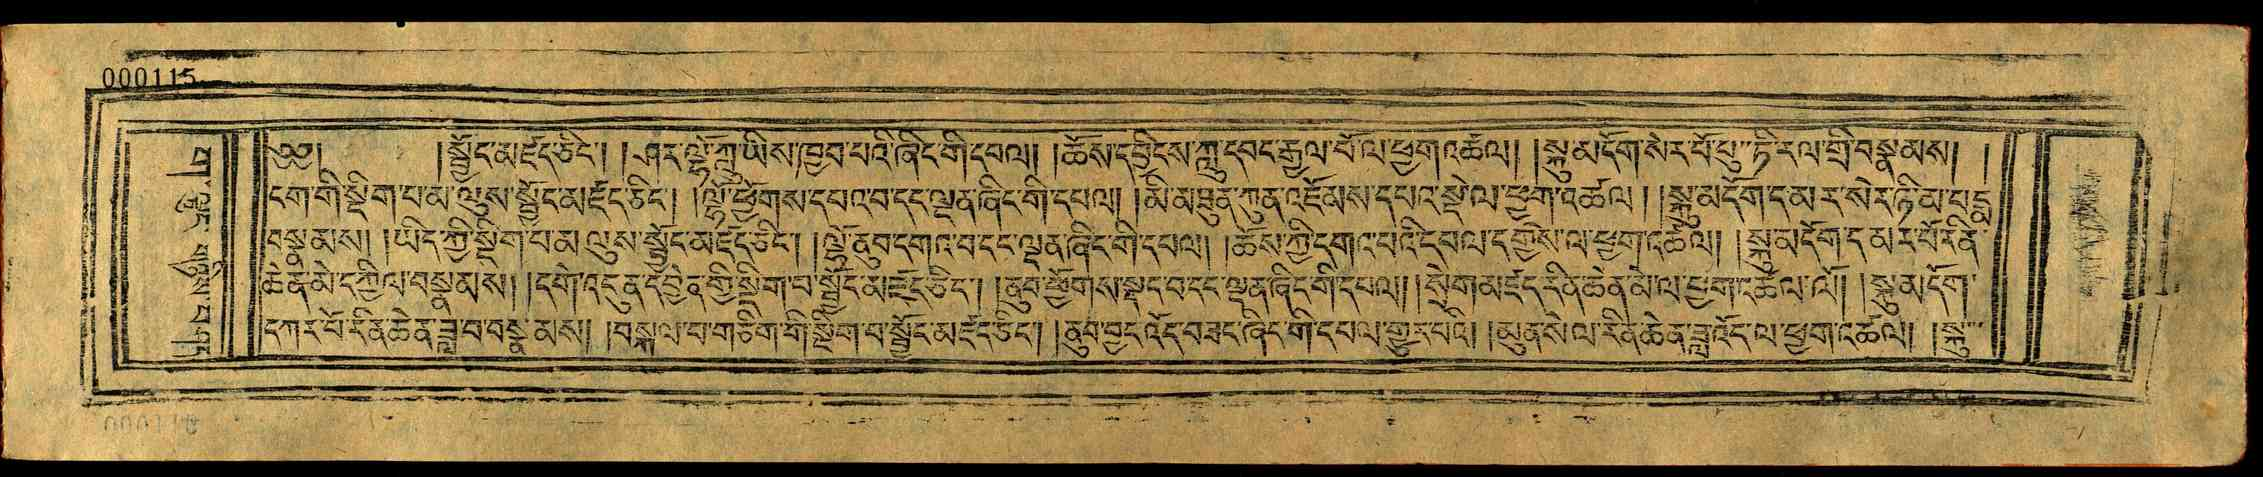༄༅། །སྦྱོང་མཛད་ཅིང་། །ཤར་ལྷོ་ཀླུ་ཡིས་ཁྱབ་པའི་ཞིང་གི་དཔལ། །ཆོས་དབྱིངས་སླུ་དབང་རྒྱལ་པོ་ལ་ཕྱག་འཚལ། །སྐུ་མདོག་སེར་པོ་པུ་ཏི་རལ་གྲི་བསྣམས། །
ངག་གི་སྡིག་པ་མ་ལུས་སྦྱོང་མཛད་ཅིང་། །ལྷོ་ཕྱོགས་དཔའ་བ་དང་ལྡན་ཞིང་གི་དཔལ། །མི་མཐུན་ཀུན་འཇོམས་དཔའ་སྡེ་ལ་ཕྱག་འཚལ། །སྐུ་མདོག་དམར་སེར་ཉི་མ་པདམ་
བསྣམས། །ཡིད་ཀྱི་སྡིག་པ་མ་ལུས་སྦྱོང་མཛད་ཅིང་། །ལྷོ་ནུབ་དགའ་བ་དང་ལྡན་ཞིང་གི་དཔལ། །ཆོས་ཀྱི་དགའ་བའི་དཔལ་དགྱེས་ལ་ཕྱག་འཚལ། །སྐུ་མདོག་དམར་པོ་རིན་
ཆེན་མེ་དཀྱིལ་བསྣམས། །དགེ་འདུན་དབྱེར་གྱི་སྡིག་པ་སྦྱོང་མཛད་ཅིང་། །ནུབ་ཕྱོགས་སྣང་བ་དང་ལྡན་ཞིང་གི་དཔལ། །སྲེག་མཛད་རིན་ཆེན་མེ་ལ་ཕྱག་འཚལ་ལོ། །སུ་མདོ་
དཀར་པོ་རིན་ཆེན་ཟླ་བ་བསྣམས། བསྐལ་པ་གཅིག་གི་སྡིག་པ་སྦྱོང་མཛད་ཅིང་། །ནུབ་བྱང་འོད་བཟང་ཞིང་གི་དཔལ་གྱུར་པའི། །མུན་སེལ་རིན་ཆེན་ཟླ་འོད་ལ་ཕྱག་འཚལ། །སྐུ་